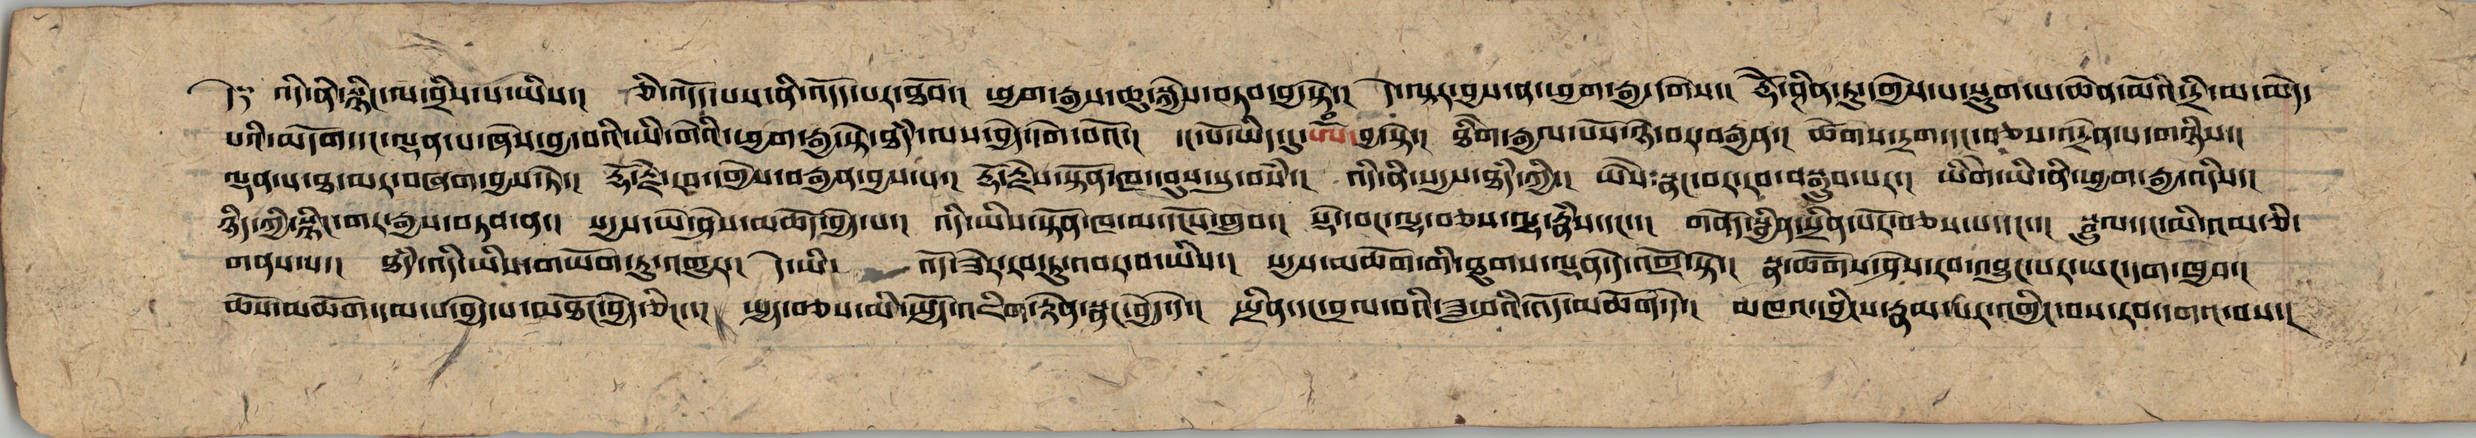དེ༑ འདི་ནི་སྙིང་ལ་བྲིས་པ་ཡིས་། ཅི་འདོད་པས་ནི་འདོད་པར་ཐོབ་། ཕྱག་རྒྱས་ཆུ་སྐྱེས་བཏབ་བྱ་སྟེ་། དེ་ལྟར་བྱས་ན་ཕྱག་རྒྱ་དགེས་། རྡོེ་ཤིན་ཏུ་དགྱེས་པ་སྡུག་པ་ཆེན་མོའི་དྲི་མ་མེད་
པའི་མདོག་དང་ལྡན་པ་ཞེས་བའི་ཡི་གེའི་ཕྱག་རྒྱ་སྟེ་ཐཾད་ལས་བྱེད་དགེ་བའོ་། དང་པོ་ཡིད་དུ་ཨོཾ་བྱ་སྟེ་། ཐིགེ་རྒྱལ་པོས་ཉེ་བར་བརྒྱན་། ཚེགས་དྲག་དང་བཅས་འདྲེན་པ་གཉིས་།
ལྡན་པ་ཐ་མར་བཞག་བྱས་ཏེ་། རྡོ་རྗེ་རབ་དགྱེས་བརྒྱན་བྱས་པ་། རྡོ་རྗེས་སྟོན་ཁ་དབུས་སུ་བསཾ་། འདི་ནི་སདྱས་ཐཾད་ཀྱི་། ཡཻས་སྣང་བར་རབ་བསྒྲུབ་པར་། ཡིགེ་ཡི་ནི་ཕྱག་རྒྱ་འདིས་།
ཉིད་ཀྱི་སྙིང་གར་རྒྱས་བཏབ་ན་། སདྱས་ཡེ་ཤེས་མཆོད་བྱེད་པ་། འདི་ཡིས་སྟོན་ཁ་མ་དངོས་གྲུབ་། སྡེ་དབང་ལྷ་བཅས་ལྷ་རྣཾས་དང་་། གནོད་སྦྱིན་སྲིན་པོར་བཅས་པ་དང་་། སྦྲུལ་དང་མི་འམ་ཅི་
གནས་པ་། ཐདཾ་འདི་ཡིས་གཡོག་ཏུ་འགྱུར་། དེ་ཡི་ འོད་ཟེར་རབ་ཏུ་འབར་བ་ཡིས་། སདྱས་མཆོག་གི་ཐུགས་ལྡན་དེ་འགྲོ་སྟེ་། སྣ་ཚོགས་ཤེས་རབ་འབྱུང་པར་ཡང་དག་ཁྱབ་།
ཆོས་མཆོག་དམ་པ་བྱེད་པ་མཐོང་བྱེད་ཅིང་་། སྤྱད་བཅས་མི་སྤྱོད་འཇིག་རྟེན་སྣང་བྱེད་དེ་། སྤྲིན་དང་བྲལ་བའི་ཟླ་བའི་འོད་མཆོག་དེ་། མཁའ་དབྱིངས་རྣམ་པར་འགྱིང་བས་རབ་དགའ་བས་།